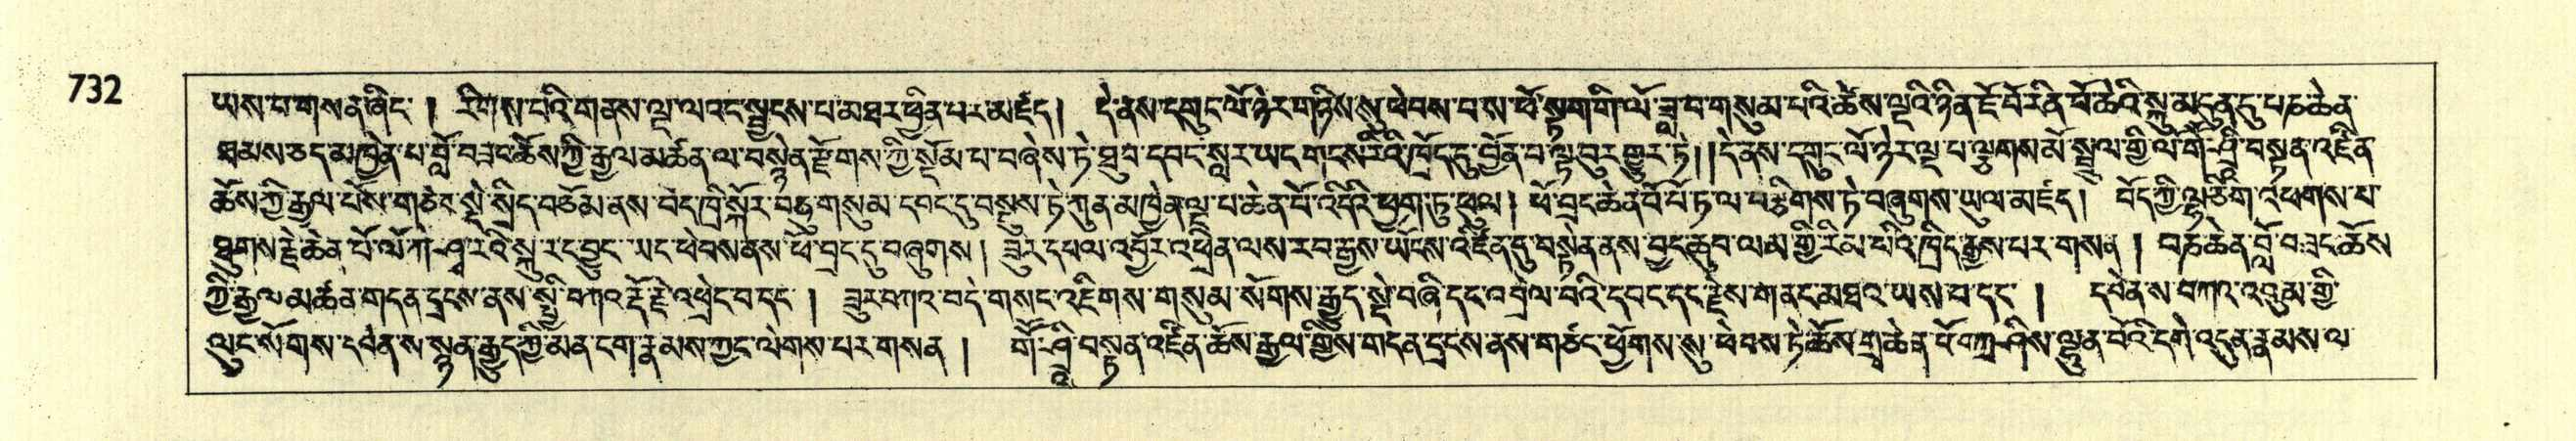ཡས་པ་གསན་ཞིང་། རིགས་པའི་གནས་ལྔ་ལའང་སྦྱངས་པ་མཐར་ཕྱིན་པར་མཛད། དེ་ནས་དགུང་ལོ་ཉེར་གཉིས་སུ་ཕེབས་བས་ཕོ་སྟག་གི་ལོ་ཟླ་བ་གསུམ་པའི་ཚེས་ལྔའི་ཉིན་ཇོ་བོ་རིན་པོ་ཆེའི་སྐུ་མདུན་དུ་པཎ་ཆེན་
ཐམས་ཅད་མཁྱེན་པ་བློ་བཟང་ཆོས་ཀྱི་རྒྱལ་མཚན་ལ་བསྙེན་རྫོགས་ཀྱི་སྡོམ་པ་བཞེས་ཏེ་ཐུབ་དབང་སླར་ཡང་གངས་རིའི་ཁྲོད་དུ་བྱོན་པ་ལྟ་བུར་གྱུར་ཏེ། །དེ་ནས་དགུང་ལོ་ཉེར་ལྔ་པ་ལྕགས་མོ་སྦྲུལ་གྱི་ལོ་གོ་ཤྲཱི་བསྟན་འཛིན་
ཆོས་ཀྱི་རྒྱལ་པོས་གཅེས་སྡེ་སྲིད་བཅོམ་ནས་བདེ་ཁྲི་སྐོར་བཅུ་གསུམ་དབང་དུ་བསྡུས་ཏེ་ཀུན་མཁྱེན་ལྔ་པ་ཆེན་པོ་འདིའི་ཕྱག་ཏུ་ཕུལ། ཕོ་བྲང་ཆེན་བོ་པོ་ཏ་ལ་བརྩིགས་ཏེ་བཞུགས་ཡུལ་མཛད། བོད་ཀྱི་ལྷ་ཅིག་འཕགས་པ་
ཐུགས་རྗེ་ཆེན་པོ་ལོ་ཀེ་ཤྭ་རའི་སྐུ་རང་བྱུང་ཡང་ཕེབས་ནས་ཕོ་བྲང་དུ་བཞུགས། ཟུར་དཔལ་འབྱོར་འཕྲིན་ལས་རབ་རྒྱས་ཡོངས་འཛིན་དུ་བསྟེན་ནས་བྱང་ཆུབ་ལམ་གྱི་རིམ་པའི་ཁྲིད་རྒྱས་པར་གསན། པཎ་ཆེན་བློ་བཟང་ཆོས་
ཀྱི་རྒྱལ་མཚན་གདན་དྲངས་ནས་སྤྱི་བཀའ་རྡོ་རྗེ་འཕྲེང་བ་དང་། ཟུར་བཀའ་བདེ་གསང་འཇིགས་གསུམ་སོགས་རྒྱུད་སྡེ་བཞི་དང་འབྲེལ་བའི་དབང་དང་རྗེས་གནང་མཐའ་ཡས་པ་དང་། དབེན་ས་བཀའ་འབུམ་གྱི་
ལུང་སོགས་དབེན་ས་སྙན་རྒྱུད་ཀྱི་མང་ངག་རྣམས་ཀྱང་ལེགས་པར་གསན། གཽ་ཤྲཱི་བསྟན་འཛིན་ཆོས་རྒྱལ་གྱིས་གདན་དྲངས་ནས་གཙང་ཕྱོགས་སུ་ཕེབས་ཏེ་ཆོས་གྲྭ་ཆེན་པོ་བཀྲ་ཤིས་ལྷུན་བོའི་དགེ་འདུན་རྣམས་ལ་